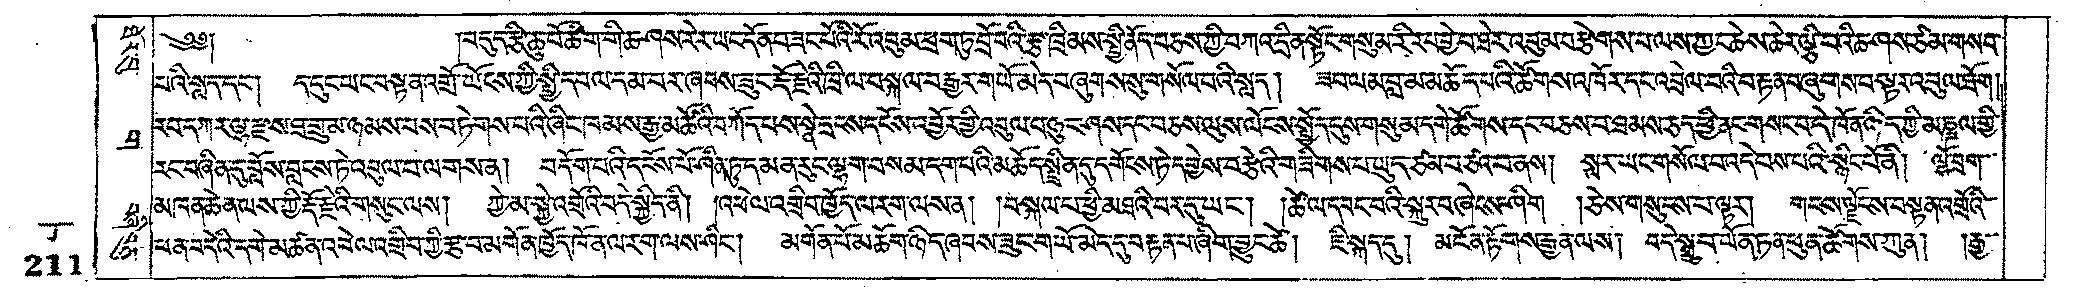༄༅། །བདུད་རྩི་ཆུ་བོ་ཚིག་གི་ཆ་ཤས་རེར་ཡང་དོན་བཟང་པོའི་རོ་འབུམ་ཕྲག་ཏུ་བྲོ་བའི་རྩ་ཁྲིམས་སྤྱི་ནོད་བཅས་ཀྱི་བཀའ་དྲིན་སྟོང་གསུམ་རི་རབ་བྱེ་བ་ཐེར་འབུམ་བརྩེགས་པ་ལས་ཀྱང་ཆེས་ཆེར་ལྕི་བའི་ཆ་ཤས་ཙམ་གསབ་
པའི་སླད་དང་། ད་དུང་ཡང་བསྟན་འགྲོ་ཡོངས་ཀྱི་སྤྱི་དཔལ་དམ་པར་ཞབས་ཟུང་རྡོ་རྗེའི་ཁྲི་ལ་བསྐལ་བརྒྱར་གཡོ་མེད་བཞུགས་སུ་གསོལ་བའི་སླད། ཟབ་ལམ་བླ་མ་མཆོད་པའི་ཚོགས་འཁོར་དང་འབྲེལ་བའི་བརྟན་བཞུགས་བསྟར་འབུལ་ཐོག།
རབ་དཀར་ལྷ་རྫས་ཐ་གྲུ་མ་ཉམས་པས་བཏེགས་པའི་ཞིང་ཁམས་རྒྱ་མཚོའི་བཀོད་པས་སྣེ་དྲངས་དངོས་འབྱོར་གྱི་འབུལ་བ་ཉུང་ཤས་དང་བཅས་ལུས་ལོངས་སྤྱོད་དུས་གསུམ་དགེ་ཚོགས་དང་བཅས་པ་ཐམས་ཅད་ཕྱི་ནང་གསང་བ་དེ་ཁོ་ན་ཉིད་ཀྱི་མཎྜལ་གྱི་
རང་བཞིན་དུ་བློས་བླངས་ཏེ་འབུལ་བ་ལགས་ན། བདོག་པའི་དངོས་པོ་ཤིན་ཏུ་དམན་རུང་ལྷག་བསམ་དག་པའི་མཆོད་སྤྲིན་དུ་དགོངས་ཏེ་དགྱེས་བརྩེའི་གཟིགས་པ་ཡུད་ཙམ་བཙའ་བ་ནས། སླར་ཡང་གསོལ་བ་འདེབས་པའི་སྙིང་པོ་ནི། ལྷོ་བྲག་་་
མཁན་ཆེན་ལས་ཀྱི་རྡོ་རྗེའི་གསུང་ལས། ཀྱེ་མ་སྐྱེ་འགྲོའི་བདེ་སྐྱིད་ནི། །འཕེལ་འགྲིབ་ཁྱོད་ལ་རག་ལས་ན། །བསྐལ་པ་ཕྱི་མཐའི་བར་དུ་ཡང་། །ཚེ་ལ་དབང་བའི་སྐུར་བཞེངས་ཤིག །ཅེས་གསུངས་པ་ལྟར། གངས་ལྗོངས་བསྟན་འགྲོའི་་་
ཕན་བདེའི་དགེ་མཚན་འཕེལ་འགྲིབ་ཀྱི་རྩབ་མགོན་ཁྱོད་ཁོ་ན་ལ་རག་ལས་ཤིང་། མགོན་པོ་མཆོག་ཉིད་ཞབས་ཟུང་གཡོ་མེད་དུ་བརྟན་པ་ཞིག་བྱུང་ཚེ། ཇི་སྐད་དུ། མངོན་རྟོགས་རྒྱན་ལས། བདེ་སྒྲུབ་ཡོན་ཏན་ཕུན་ཚོགས་ཀུན། །རྒྱ་་་